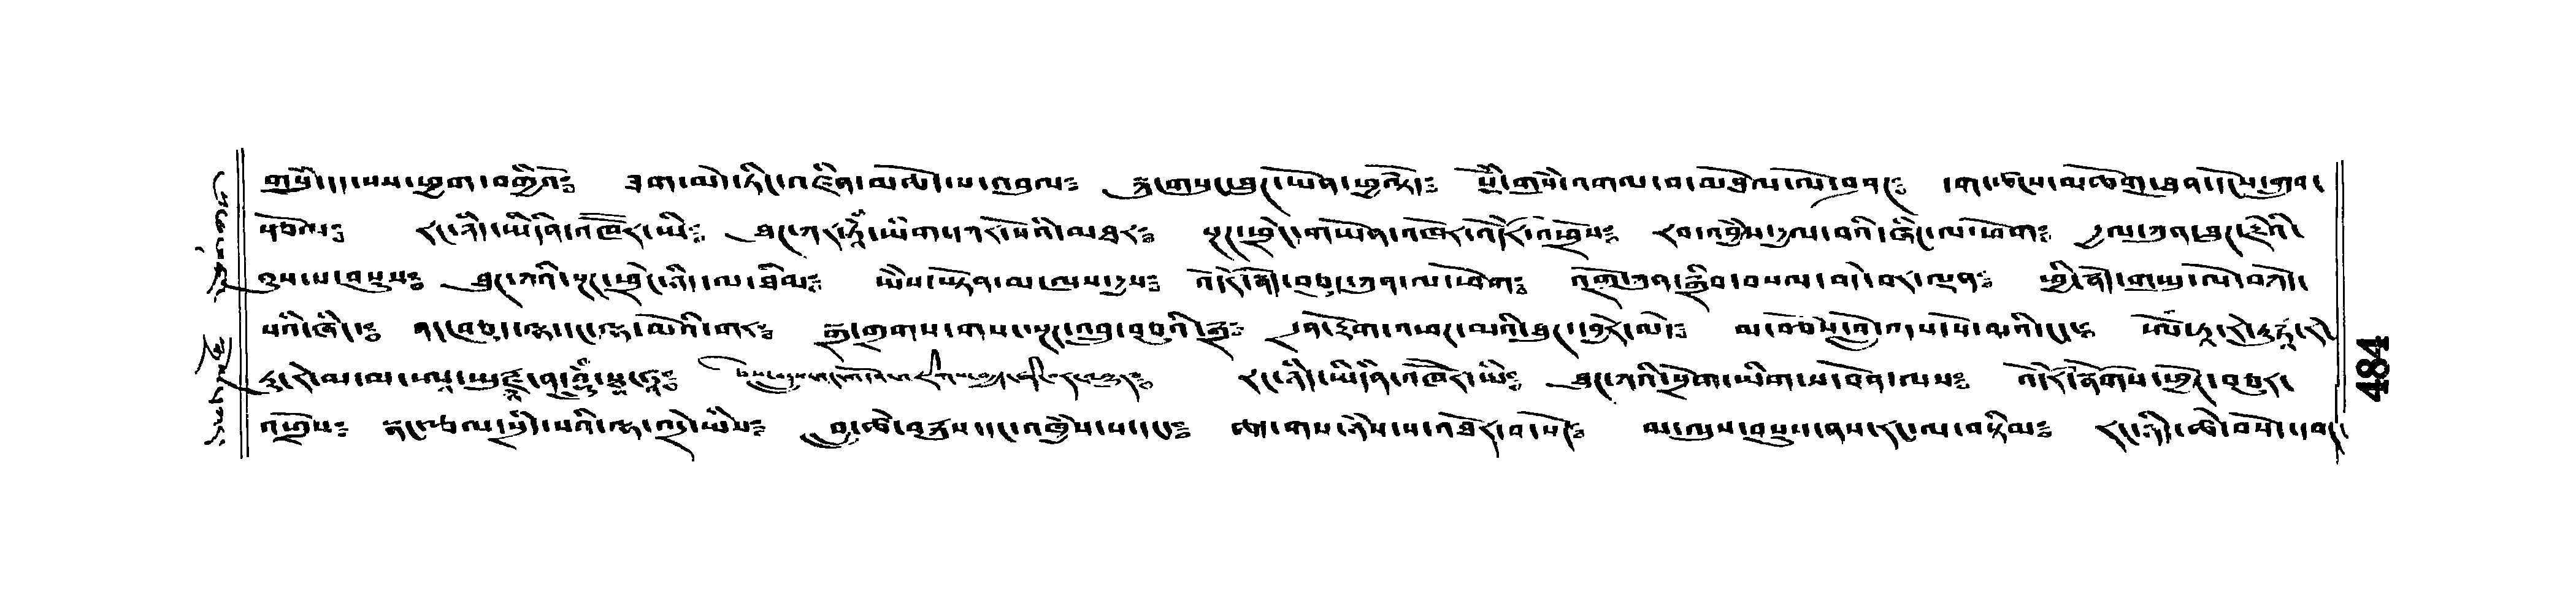གསུམ་དད་པས་ཕྱག་བགྱིའོ༔ ཟག་མེད་ཏིང་འཛིན་མཆོད་པ་འབུལ༔ སྐུ་གསུང་ཐུགས་ཡོན་ཕྱག་འཚལ་བསྟོད༔ སྡོམ་གསུམ་འགལ་བ་མཐོལ་ལོ་བཤགས༔ དག་ཚངས་མཆོག་ཐུན་དངོས་གྲུབ་
སྩོལ༔ རང་ཉིད་ཡིད་བཞིན་འཁོར་ལོ་ཡི༔ ཐུགས་ཀར་ཏཱཾ་ཡིག་དཀར་པོའི་མཐར༔ སྔགས་ཕྲེང་གཡོན་འཁོར་འོད་ཟེར་འཕྲོས༔ རབ་འབྱམས་རྒྱལ་བའི་ཞིང་ལ་ཕོག༔ རྒྱལ་ཀུན་ཐུགས་རྗེའི་
ནུས་པ་བསྡུས༔ ཐུགས་ཀའི་སྔགས་ཕྲེང་ཉིད་ལ་ཐིམ༔ ཡེ་ཤེས་ཡོན་ཏན་མ་ལུས་རྒྱས༔ འོད་ཟེར་སྣོད་བཅུད་ཀུན་ལ་ཕོག༔ འགྲོ་ཀུན་སྒྲིབ་བསལ་བདེ་བར་ལྡན༔ ཕྱི་སྣོད་གཡུ་ལོ་བཀོད་
པའི་ཞིང༔ ནང་བཅུད་ལྷ་དང་ལྷ་མོའི་གར༔ སྒྲ་གྲགས་གསང་སྔགས་འབྲུ་བཅུའི་སྒྲ༔ དྲན་རྟོག་འཕགས་མའི་ཐུགས་དབྱེར་མེད༔ མ་བཅོས་བློ་འདས་སོ་མའི་ངང༔ ཨོཾ་ཏཱ་རེ་ཏུཏྟཱ་རེ་
ཏུ་རེ་མ་མ་ཨཱ་ཡུརྫྙཱ་ན་བྷྲཱུྃ་སྭཱ་ཧཱཿཅེས་བཟླས་ནད་གདོན་འཇིགས་བརྒྱད་ཞི་བར་འགྱུར༔ རང་ཉིད་ཡིད་བཞིན་འཁོར་ལོ་ཡི༔ ཐུགས་ཀའི་སྲོག་ཡིག་ས་བོན་ལས༔ འོད་ཟེར་སྣ་ཚོགས་ཕྱོགས་བཅུར་
འཕྲོས༔ སྣང་རྩལ་སྲིད་པའི་ལྷ་འདྲེ་ཡིས༔ བླ་ཚེ་བརྐུས་དང་འཁྱམས་པ་དང༔ ཆད་གས་ཉམས་པ་འཐོར་བ་སོགས༔ མ་ལུས་བསྡུས་ནས་རང་ལ་བསྟིམ༔ རང་ཉིད་ཚེ་བསོད་དབང་